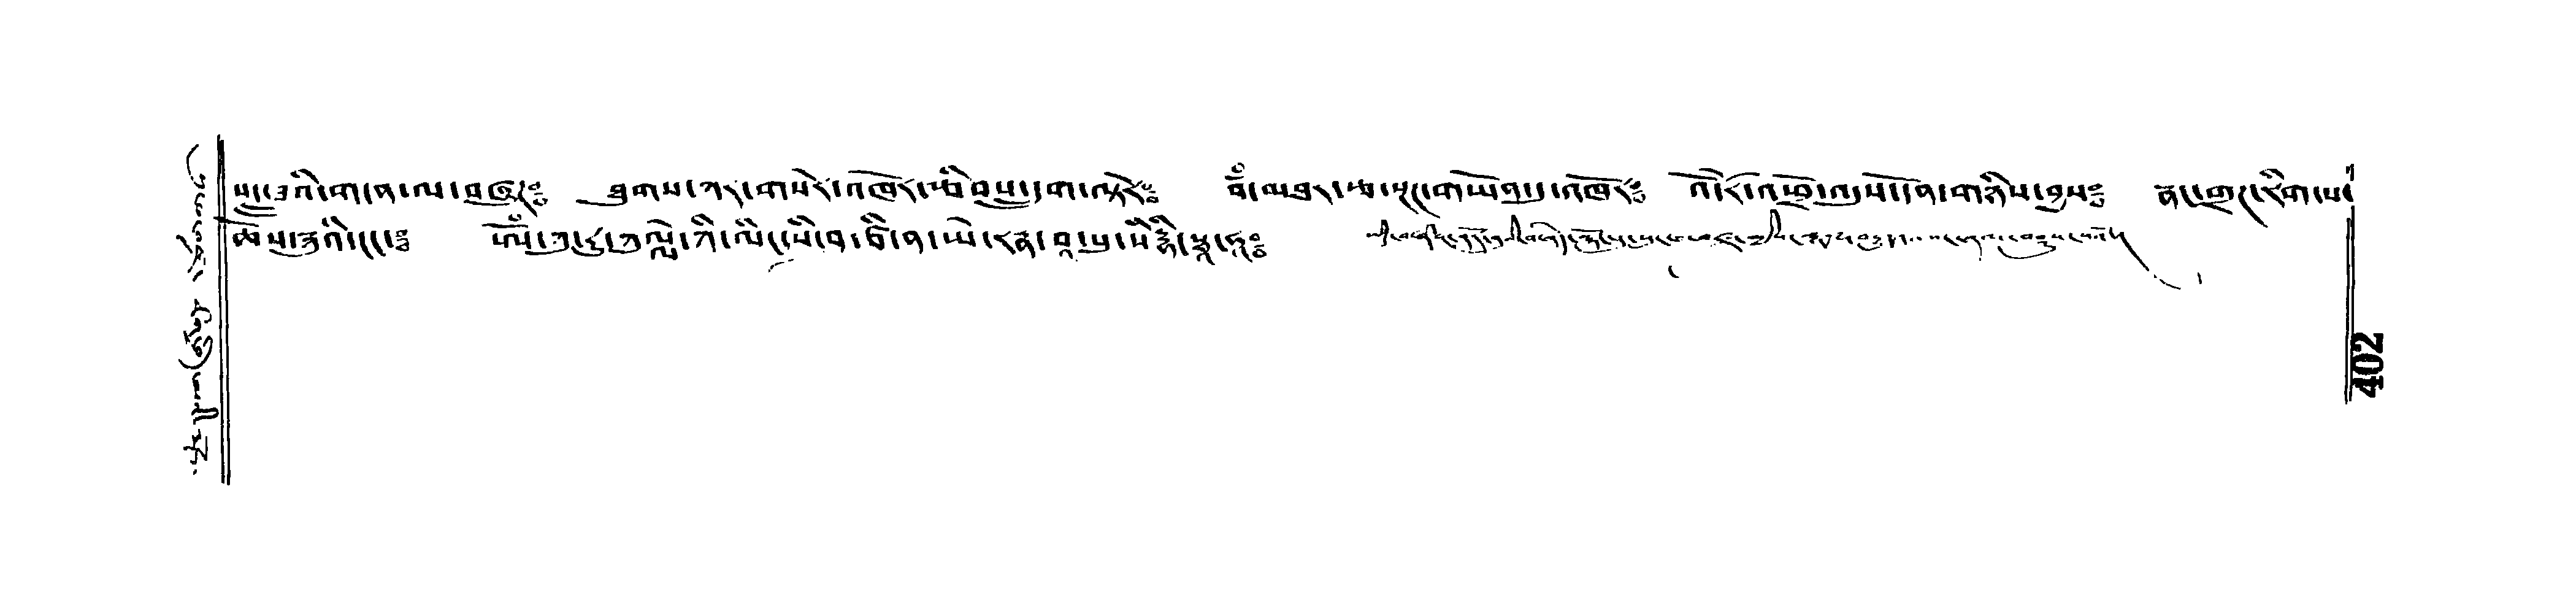པད་ཟླའི་གདན་ལ་བཞུགས༔ ཐུགས་ཀར་གསེར་འཁོར་རྩིབས་དྲུག་ལྟེར༔ བྃ་མཐར་རྩ་སྔགས་གཡོན་དུ་འཁོར༔ འོད་ཟེར་འཕྲོ་འདུས་དོན་གཉིས་བྱས༔ སྣང་གྲགས་རིག་པ་
ཆོས་སྐུའི་ངང༔ ཨོཾ་ཀུ་རུ་ཀུལླེ་ཀི་ལིང་པི་ཤ་ཙི་ན་ཡེ་རཏྣ་བཱ་སུ་སིདྡྷི་སྭཱ་ཧཱཿ ཡིད་བཞིན་ནོར་བུའི་བཞེད་སྐོང་དུ་སུ་ཁ་བཛྲ་གྱིས་སྙན་བརྒྱུད་ལས་ཞལ་བཤུས་པའོ།།